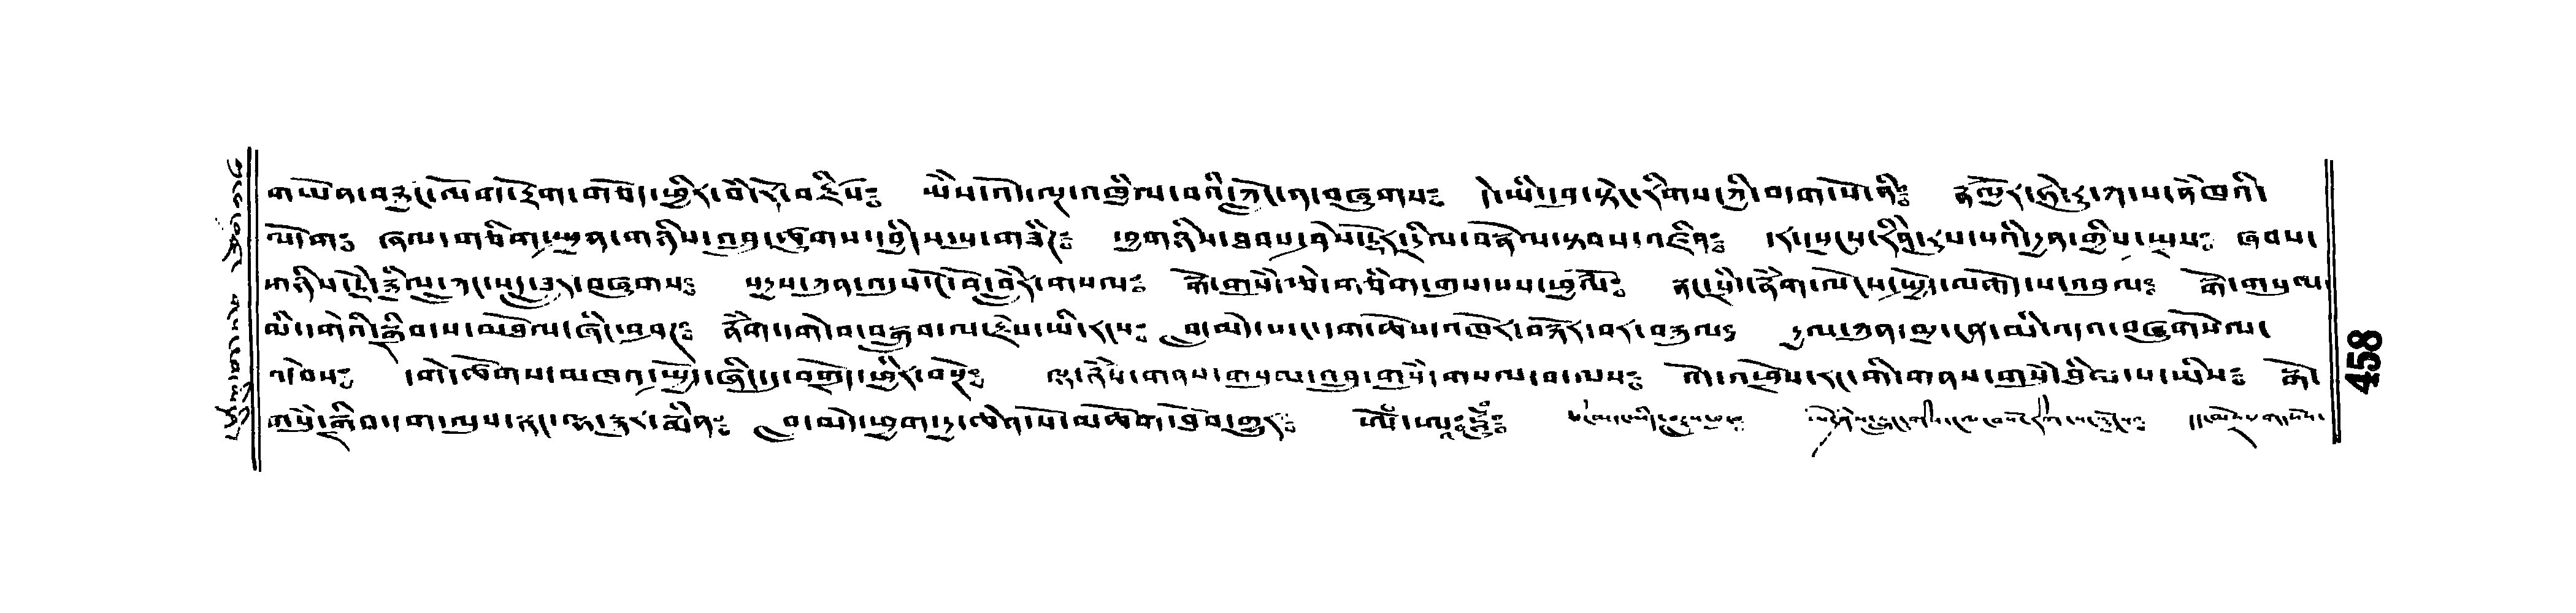གཡོན་བརྐྱང་ལོག་རྟོག་གཅོད་ཕྱིར་བཾ་རོ་བརྫིས༔ ཡེ་ཤེས་འོད་ལྔ་འཁྱིལ་བའི་ཀློང་ན་བཞུགས༔ དེ་ཡི་དབུ་སྟེང་རིགས་ཀྱི་བདག་པོ་ནི༔ རྣལ་འབྱོར་ཧེ་རུ་ཀ་པ་ནམ་མཁའི་
མདོག༔ ཞལ་གཅིག་སྤྱན་གཉིས་འབྲུ་ཚུགས་དབྱིངས་སུ་གཟིགས༔ ཕྱག་གཉིས་ཐབས་ཤེས་རྡོར་དྲིལ་བསྣོལ་སྟབས་འཛིན༔ དར་དཔྱངས་རིན་ཆེན་རུས་པའི་རྒྱན་གྱིས་སྤྲས༔ ཞབས་
གཉིས་རྡོ་རྗེ་སྐྱིལ་ཀྲུང་པད་ཟླར་བཞུགས༔ སངས་རྒྱས་ཀུན་འདུས་ངོ་བོ་བླ་མར་གསལ༔ སྒོ་གསུམ་རྩེ་གཅིག་གུས་པས་ཕྱག་འཚལ་ལོ༔ སྣང་སྲིད་རྣམ་དག་ལོངས་སྤྱོད་མཆོད་པ་འབུལ༔ སྒོ་གསུམ་
མི་དགེའི་སྒྲིབ་པ་མཐོལ་ཞིང་བཤགས༔ རྣམ་དག་དགེ་བ་བསྒྲུབས་ལ་རྗེས་ཡི་རངས༔ བླ་མེད་ཡང་དག་ཆོས་འཁོར་བསྐོར་བར་བསྐུལ༔ རྒྱལ་ཀུན་མྱ་ངན་མི་འདའ་བཞུགས་གསོལ་
འདེབས༔དགེ་ཚོགས་མཁའ་སྤྱོད་ཞིང་དུ་བགྲོད་ཕྱིར་བསྔོ༔ ལྷ་རྣམས་གནས་གསུམ་འབྲུ་གསུམ་གསལ་བ་ལས༔ འོད་འཕྲོས་རང་གི་གནས་གསུམ་ཐིམ་པ་ཡིས༔ སྒོ་
གསུམ་སྒྲིབ་དག་ལུས་སྣང་ལྷ་སྐུར་སྨིན༔ བླ་མེད་ཕྱག་རྒྱ་ཆེན་པོ་མཆོག་ཐོབ་གྱུར༔ ཨོཾ་ཨཱཿཧཱུྃ༔ ཅི་མང་ཡིད་བཟླས་བྱ༔ ཡེ་ཤེས་རླུང་གིས་ངལ་བསོ་རིག་པ་སྐྱོངས༔ དད་མོས་དྲག་པོས་